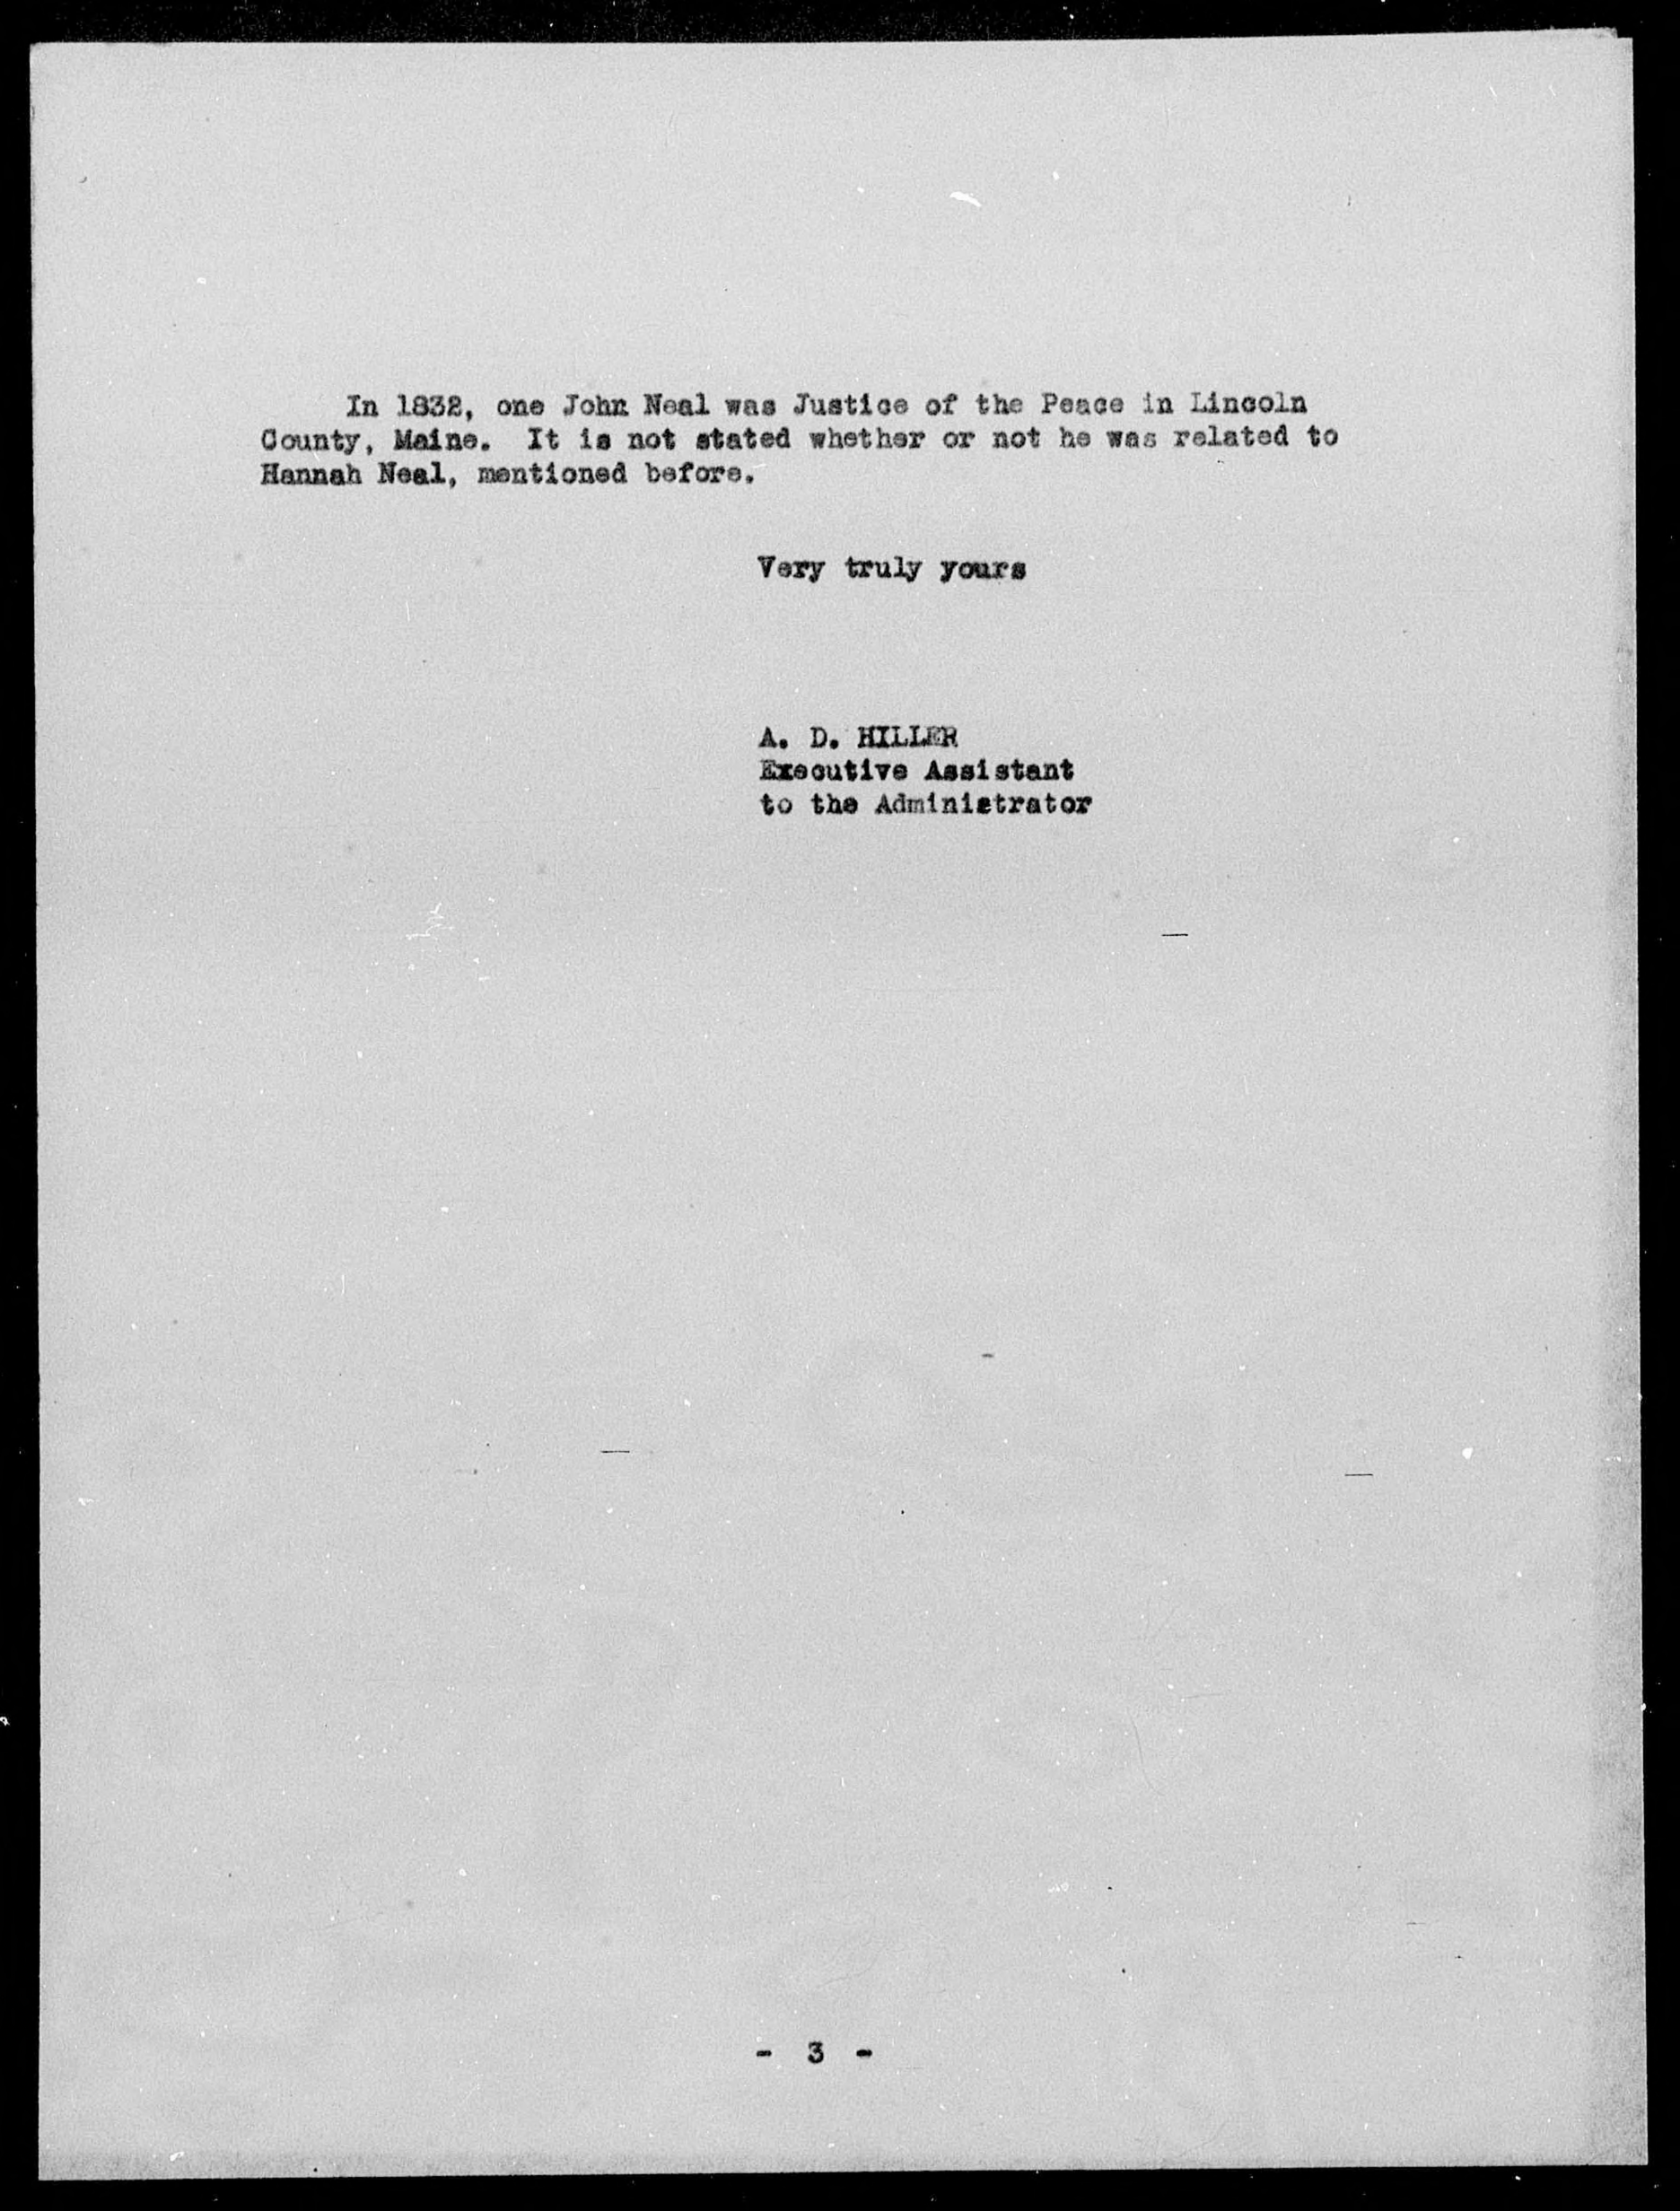In 1832, one John Neal was Justice of the Peace in Lincoln County, Maine. It is not stated whether or not he was related to Hannah Neal, mentioned before.
Very truly yours
A. D. HILLER
Executive Assistant to the Administrator
-  3  -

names: Hannah Neal, A D Hiller, John Neal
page: 19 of 45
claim: widow's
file: W. 17933, William Fuller, Mass